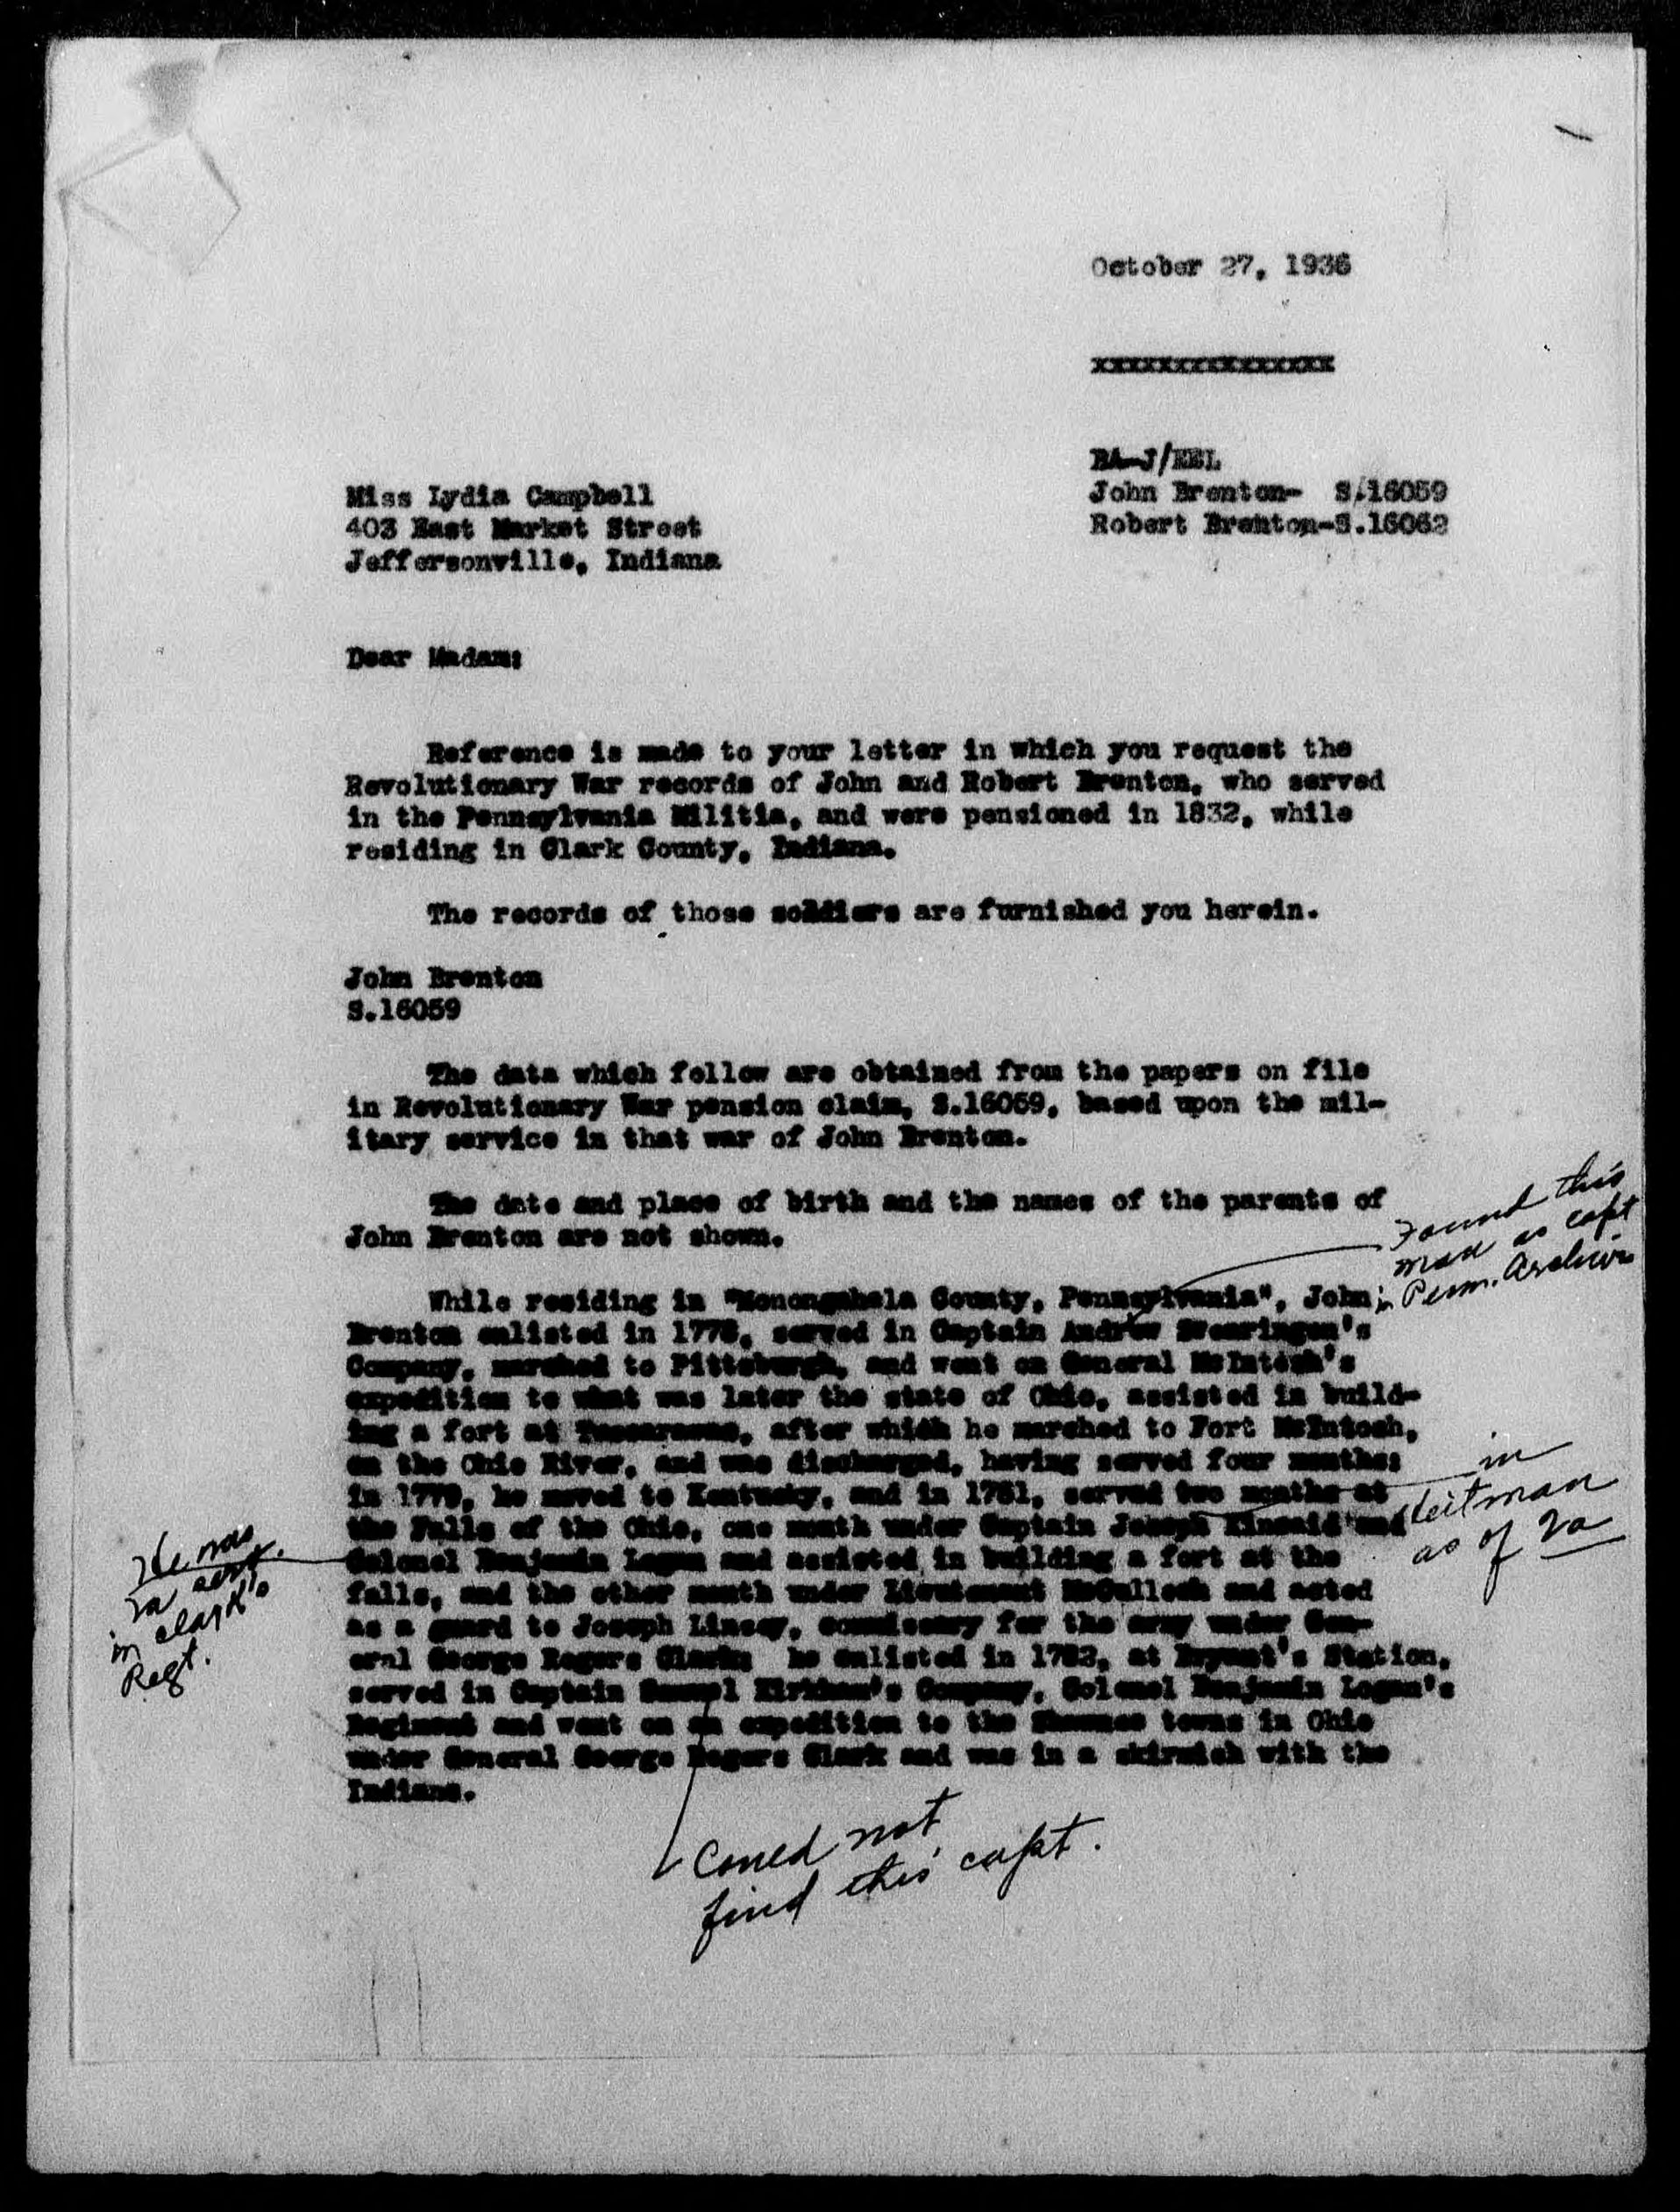October 27,1936
RA-J/EEL
John Brenton S.16059
Robert Brenton S.16062
Miss Lydia Campbell
403 East Market Street
Jeffersonville, Indiana
Dear Madam:
Reference is made to your letter in which you request the Revolutionary War records of John and Robert Brenton, who served in the Pennsylvania Militia, and were pensioned in 1832, while residing in Clark County, Indiana.
The records of those soldiers are furnished you herein.
John Brenton
S.16059
The data which follow are obtained from the papers on file in Revolutionary War pension claim, S.16059, based upon the military service in that war of John Brenton.
The date and place of birth and the names of the parents of John Brenton are not shown.
While residing in "Monongahala County, Pennsylvania," John Brenton enlisted in 1776, served in Captain Andrew Swearingen's Company, [text inserted in right margin: Found this man as Capt in Perm Archives] marched to Pittsburgh, and went on General McIntosh's expedition to what was later the state of Ohio, assisted in building a fort at [blurred & illegible, starts with "T"], after which he marched to Fort McIntosh on the Ohio River, and was discharged, having served four months in 1779, he moved to Kentucky, and in 1781, served two months at the Falls of the Ohio, one month under Captain John Kincaid and Colonel Benjamin Logan and assisted in building a fort at the falls, and the other month under Lieutenant McCulloch and acted as a guard to Joseph Linsey, commissary for the army under General George Rogers Clark he enlisted in 1782, at Bryant's Station, served in Captain Samuel [name blurred thus illegible] [inserted text: could not find this capt.] Company, Colonel General Benjamin Logan's Regiment and went on an expedition to the Shawnee towns in Ohio under General George Rogers Clark and was in a skirmish with the Indians.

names: John Brenton, Joseph Kincaid, Benjamin Logan, Robert Brenton, John Brenton, John Brenton, John Brenton, George Rogers Clark, Robert Brenton, John Brenton, Joseph Linsey, John Brenton, Lydia Campbell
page: 11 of 26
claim: survivor's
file: S. 16059, John Brenton, Penn. Va.